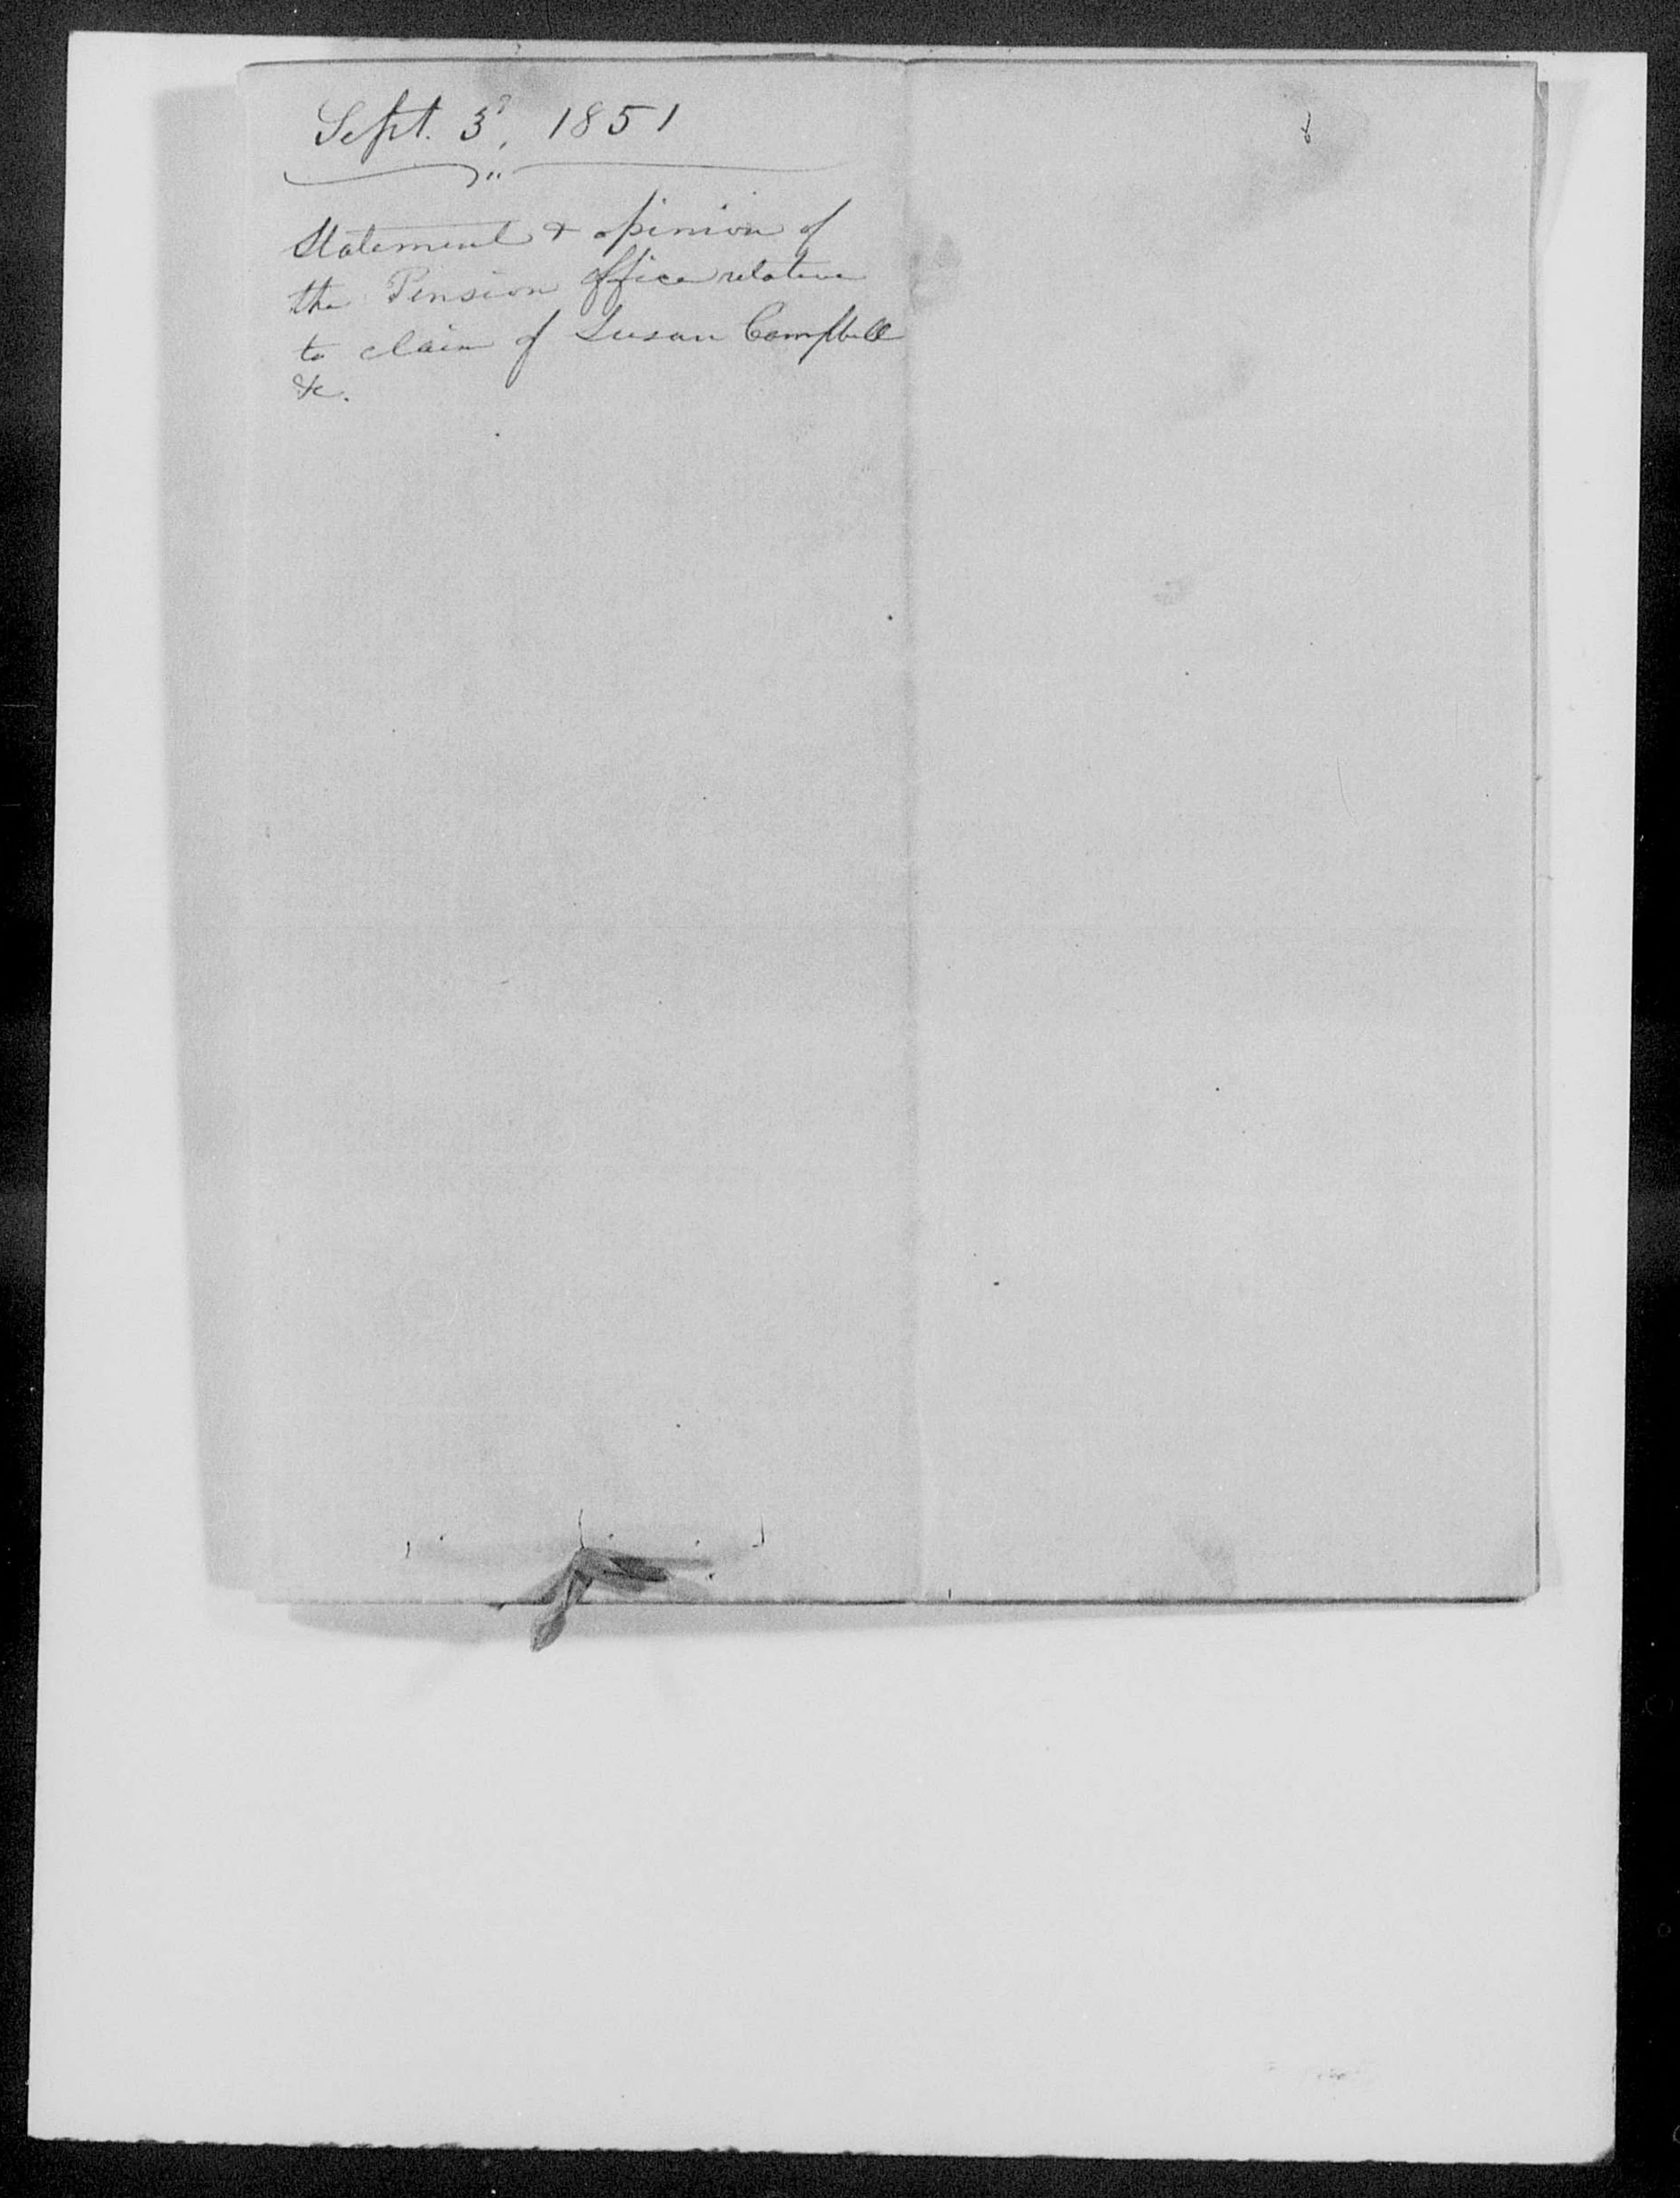Sept. 3d, 1851

Statement & opinion of
the Pension Office relative
to claim of Susan Campbell
&c.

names: Susan Campbell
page: 160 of 267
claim: widow's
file: W. 4,149, William Campbell, Va.